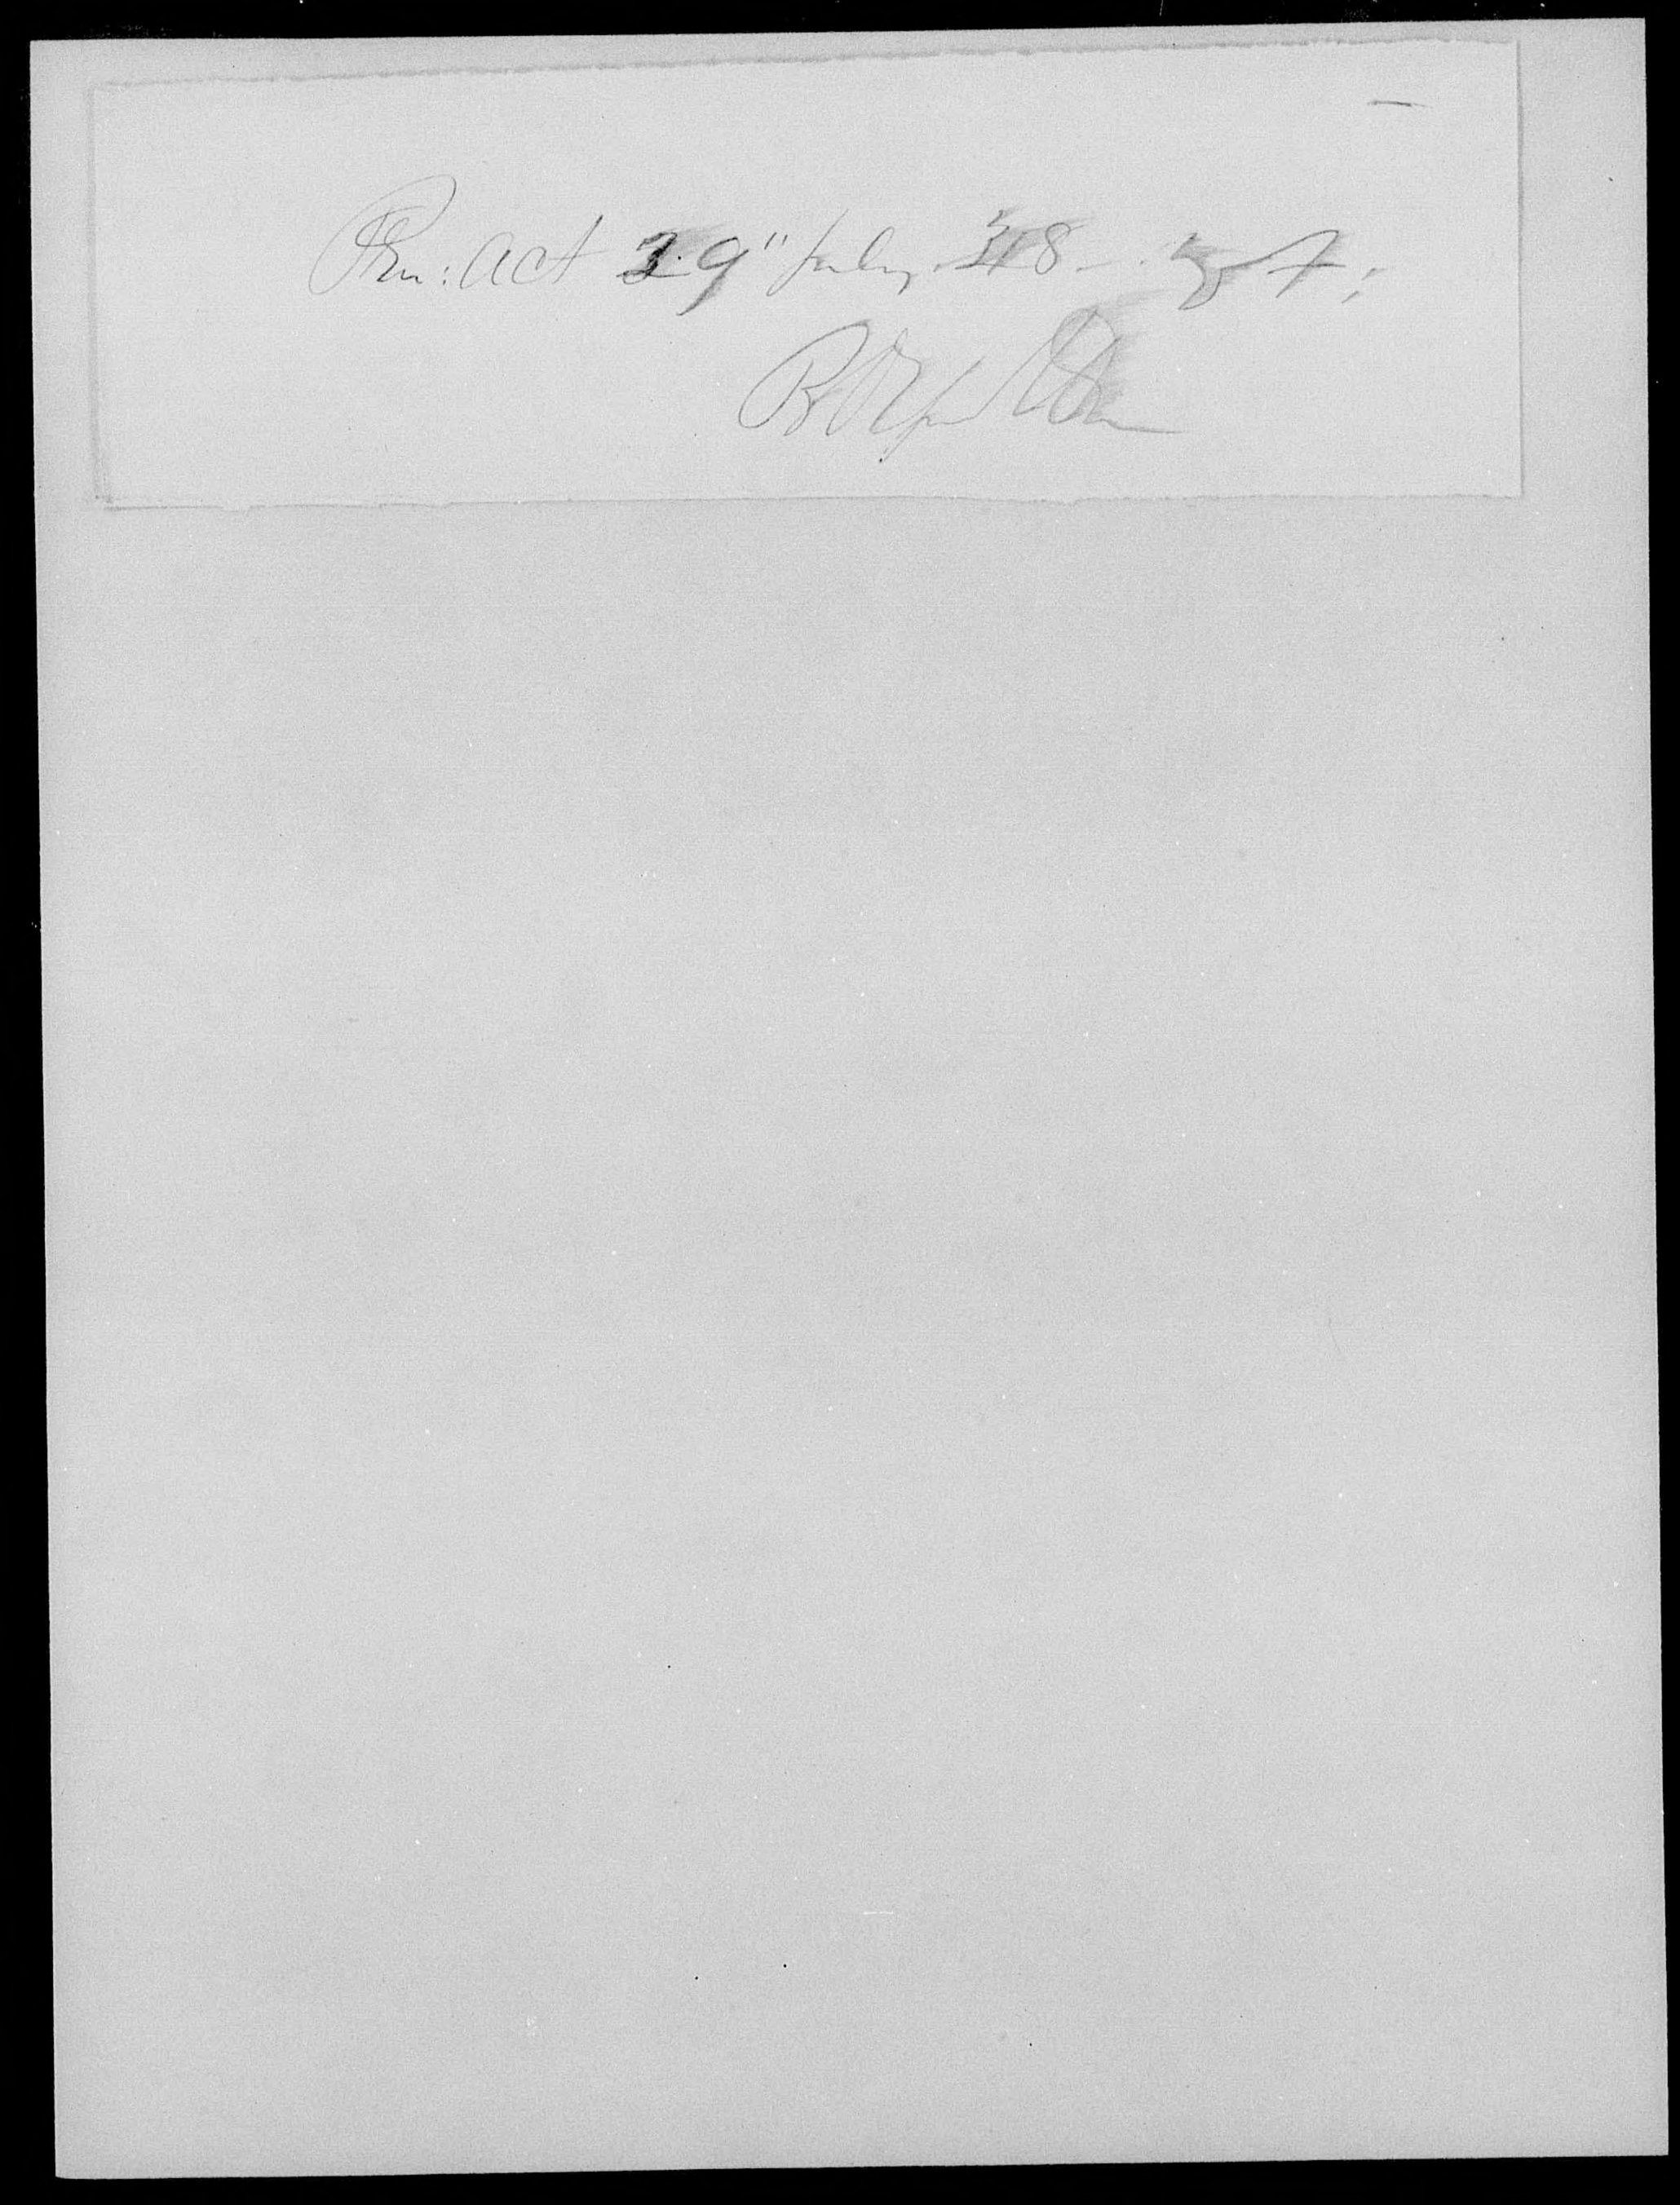Rev: act 29" July. 348-57:
Boynton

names: [BLANK] Boynton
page: 29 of 49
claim: widow's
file: W. 2164, for George Porter, Massachusetts